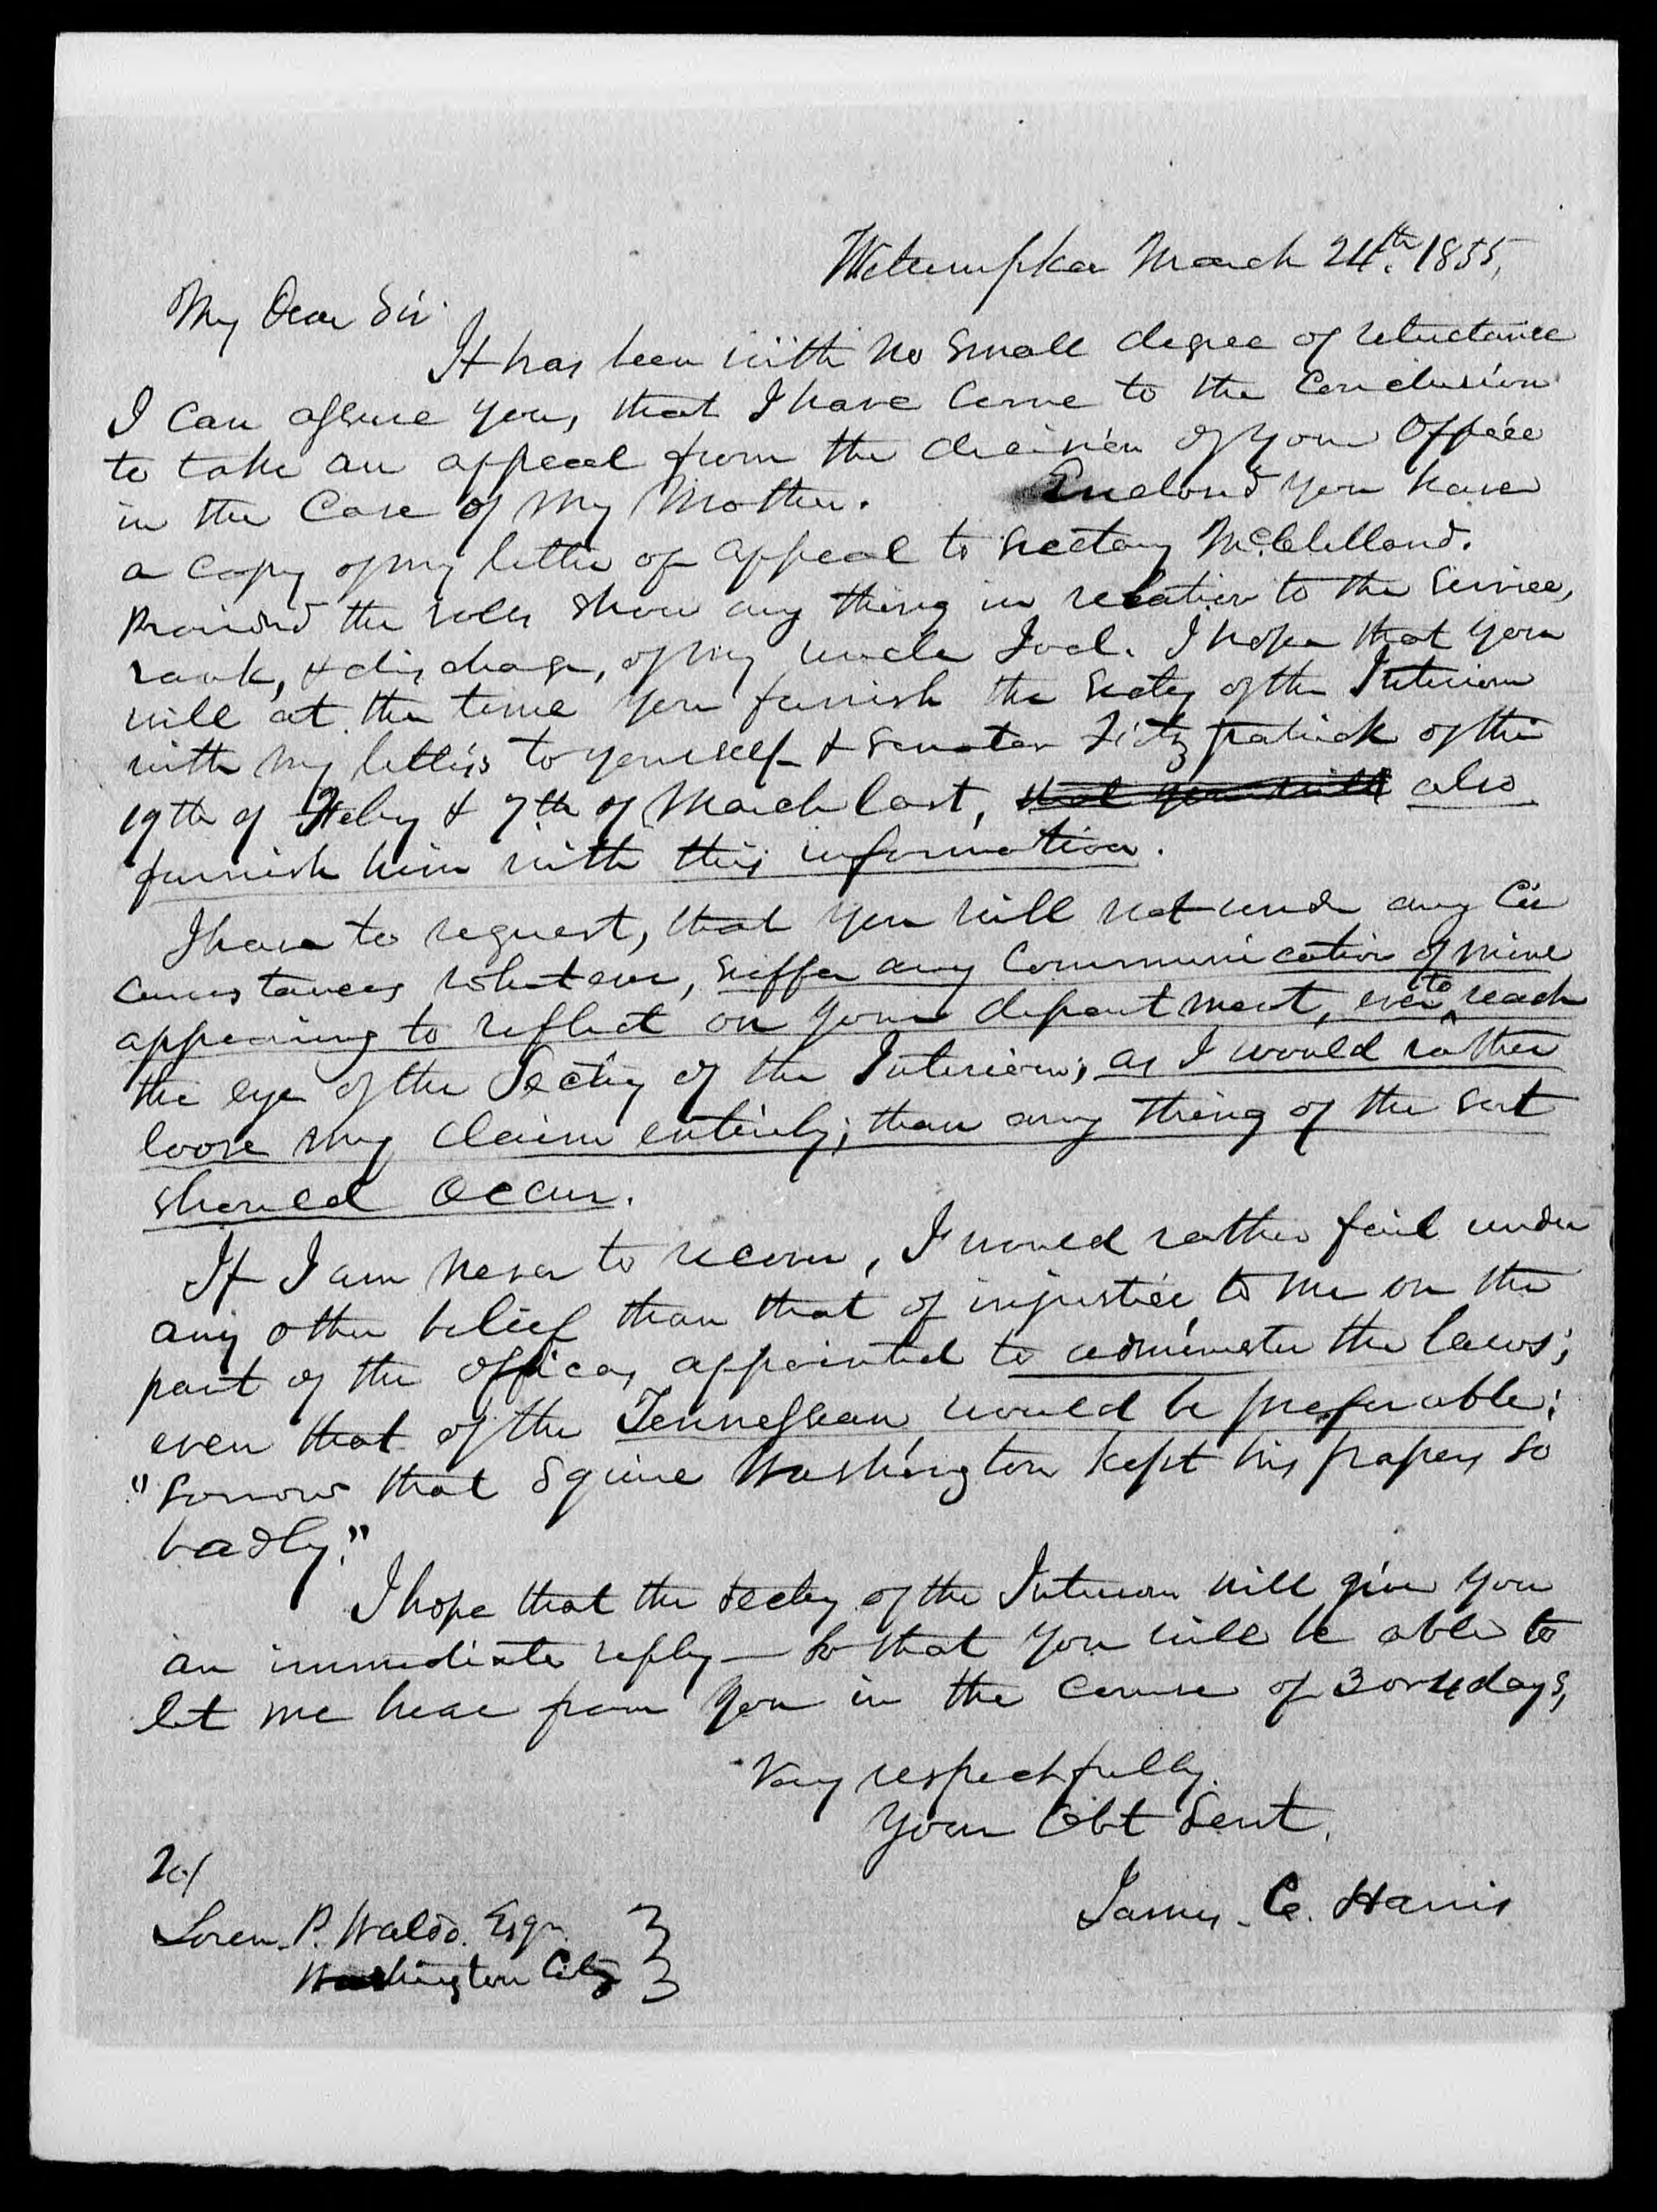Wetumpka March 24th 1855

My Dear Sir
It has been with no small degree of reluctance I can assure you, that I have come to the conclusion to take an appeal from the decision of your office in the case of my Mother.  Enclosed you have a copy of my letter of appeal to Secretary McClelland.  Provided the rolls show any thing in relation to the services, rank, & discharge, of my uncle Joel, I hope that you will at the time you furnish the Secty of the Interior with my letters to yourself & Senator Fitzpatrick of the 19th of Feby & 7th of March last, also furnish him with this information.
I have to request, that you will not under any circumstances whatever, suffer any communication of mine appearing to reflect on your department, ever to reach the eye of the Secty of the Interior, as I would rather loose [sic] my claim entirely, than any thing of the sort should occur.
If I am never to recover, I would rather fail under any other belief than that of injustice to me on the part of the office, appointed to administer the laws; even that of the Tennessean would be preferable; "sorrow that Squire Washington kept his papers so badly."
I hope that the Sectry of the Interior will give you an immediate reply--& that you will be able to let me near from you in the course of 3 or 4 days.
Very respectfully
Your Obt Servt
James C. Harris

T0/
Loren P Waldo, Esq
Washington City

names: Joel, Loren P Waldo, Mc Clelland, Fitzpatrick, Washington, James C Harris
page: 85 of 160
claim: rejected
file: R. 4666, James Harris, Va.